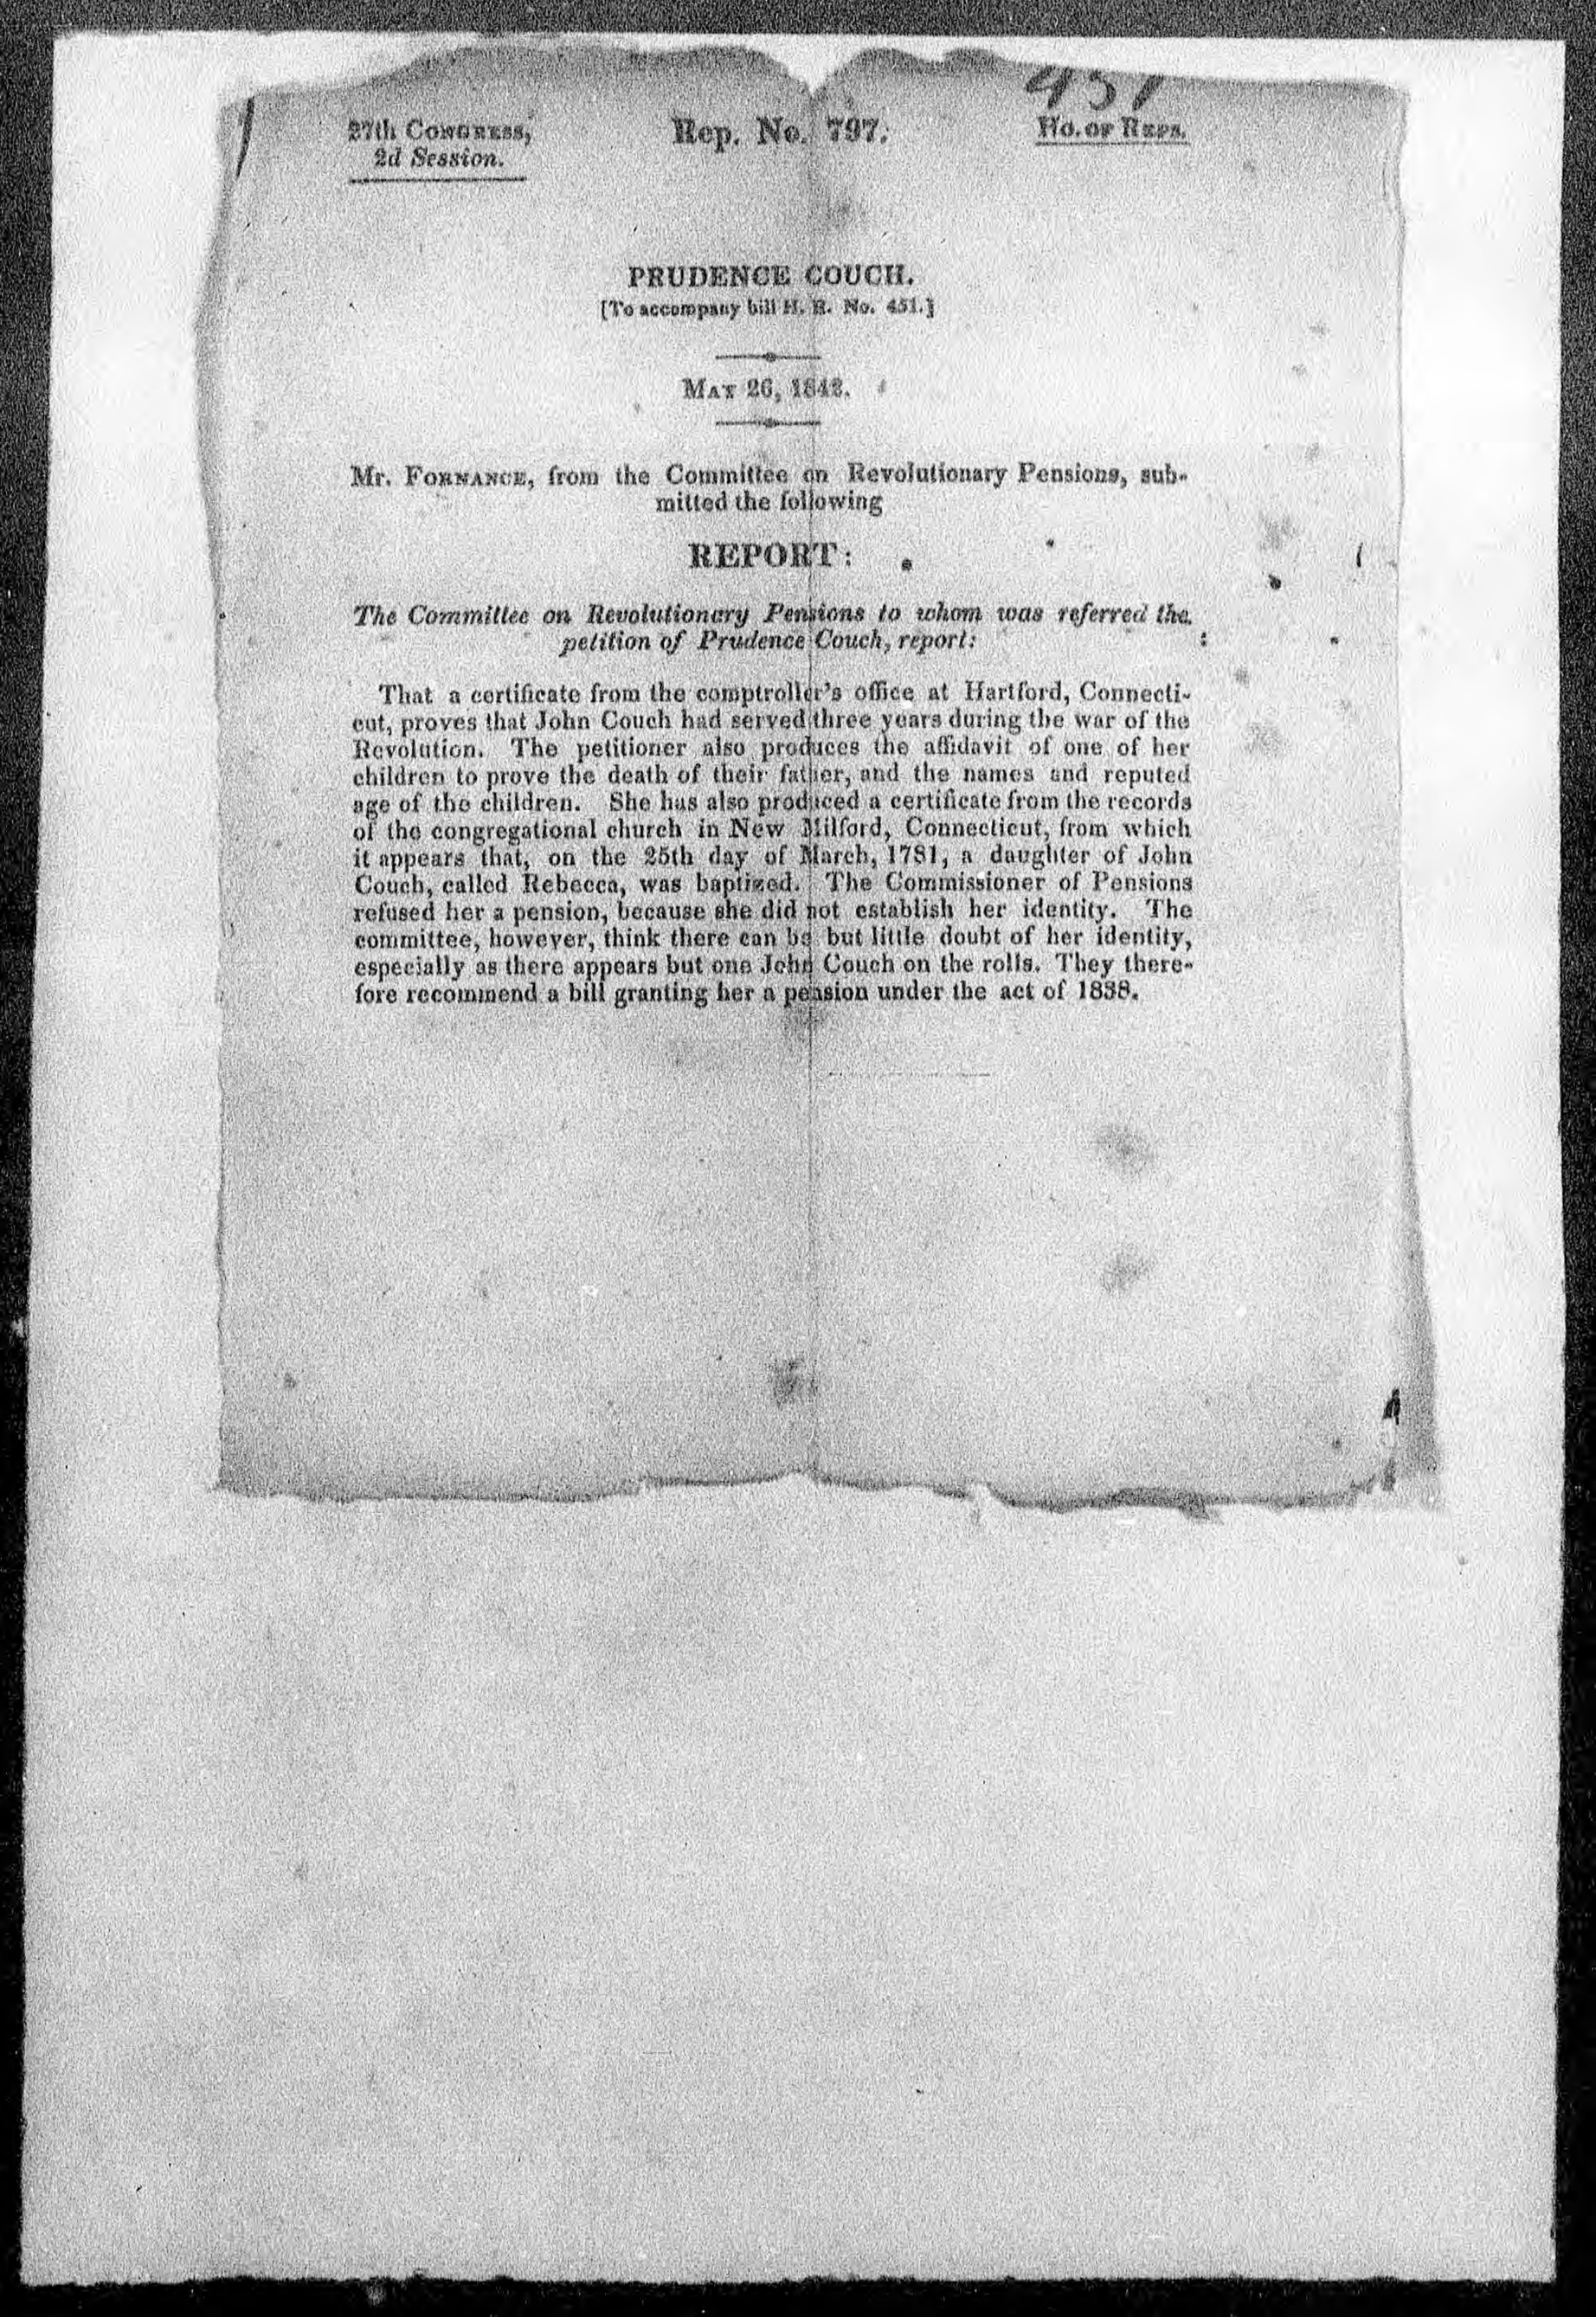27th CONGRESS            Ho. of REPS.
2d Session

Rep. No. 797

PRUDENCE COUCH
{To accompany bill H. R. No. 451}

May 26, 1842

Mr. FORNANCE,  from the Committee on Revolutionary Pensions, submitted the following

REPORT:
The Committee on Revolutionary Pensions to whom was referred the petition of Prudence Couch, report:
That a certificate from the comptroller's office at Hartford, Connecticut, proves that John Couch had served three years during the war of the Revolution. The petitioner also produces the affidavit of one of her children to prove the death of their father, and the names and reputed age of the children. She has also produced a certificate from the records of the congregational church in New Milford, Connecticut, from which it appears that, in the 25th day of March, 1781, a daughter of John Couch, called Rebecca, was baptized. The Commissioner of Pensions refused her a pension, because she did not establish her identity. The committee, however, think there can be but little doubt of her identity, especially as there appears but one John Couch on the rolls. They therefore recommend a bill granting her a pension under the act of 1838.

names: Rebecca, Fornance, Prudence Couch, John Couch, John Couch, John Couch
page: 14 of 68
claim: rejected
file: R. 2,360, John Couch, Conn.